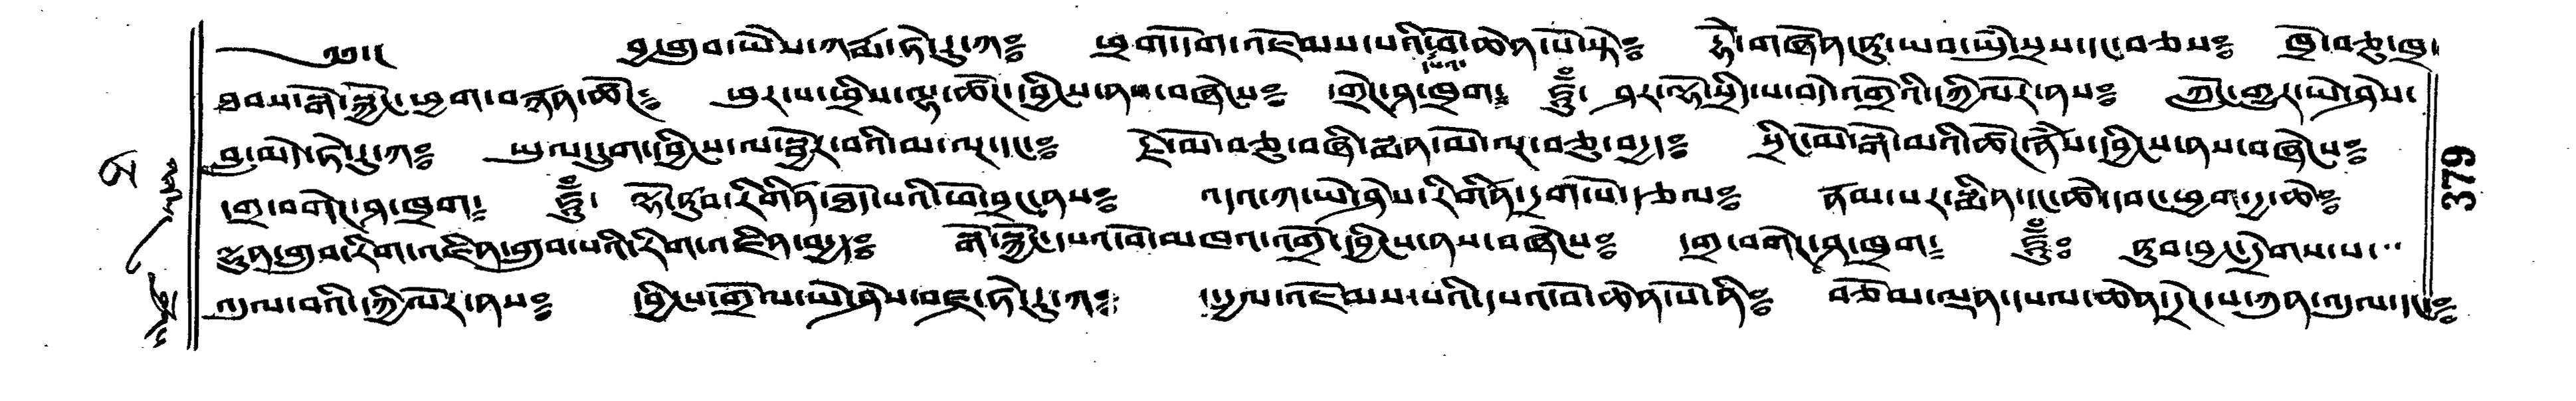བྱ་གྲུབ་ཡེ་ཤེས་ཀརྨ་ཧེ་རུ་ཀ༔ ཕྲག་དོག་འཇོམས་པའི་དཔའ་བོ་ཆེན་པོ་སྟེ༔ རྡོ་རྗེ་གཞོན་ནུ་ཡབ་ཡུམ་སྲས་དང་བཅས༔ ཁྲོ་བཅུ་ཁྲ་
ཐབས་སྒོ་སྐྱོང་ཕྱག་བརྙན་ཚོགས༔ ཕུར་པ་ཕྲིན་ལས་ལྷ་ཚོགས་དབྱིངས་ནས་བཞེངས༔ དགྲ་བགེགས་ཤ་ཁྲག༴ ཧཱུྃ༔ ཤར་ལྷོ་སྲིད་པ་བདེ་འགྲོའི་དཀྱིལ་འཁོར་ནས༔ ཀློང་གྱུར་ཡེ་ཤེས་
བླ་མེད་ཧེ་རུ་ཀ༔ ཡུལ་དྲུག་དབྱིངས་ལ་སྦྱོར་བའི་མ་ལྔ་དང༔ རྗེ་མོ་བཅུ་བཞི་སྨན་མོ་ལྔ་བཅུ་བརྒྱད༔ སྲིང་མོ་སྒོ་མའི་ཚོགས་རྣམས་དབྱིངས་ནས་བཞེངས༔ 
དགྲ་བགེགས་ཤ་ཁྲག༴ ཧཱུྃ༔ ལྷོ་ནུབ་རིག་འཛིན་ཐོད་པའི་ཕོ་བྲང་ནས༔ འདའ་ཀ་ཡེ་ཤེས་རིག་འཛིན་དྲག་པོ་རྩལ༔ རྣམ་པར་སྨིན་དང་ཚེ་དབང་ཕྱག་རྒྱ་ཆེ༔ 
ལྷུན་གྲུབ་རིག་འཛིན་གྲུབ་པའི་རིག་འཛིན་བརྒྱད༔ སྒོ་སྐྱོང་དཔའ་བོ་མཁའ་འགྲོ་དབྱིངས་ནས་བཞེངས༔ དགྲ་བགེགས་ཤ་ཁྲག༴ ཧཱུྃ༔ ནུབ་བྱང་དྲེགས་པ་
འདུལ་བའི་དཀྱིལ་འཁོར་ནས༔ དབྱིངས་གྲོལ་ཡེ་ཤེས་བཛྲ་ཧེ་རུ་ཀ༔ ང་རྒྱལ་འཇོམས་པའི་དཔའ་བོ་ཆེན་པོ་ནི༔ བཅོམ་ལྡན་དཔལ་ཆེན་དྲེགས་པ་ཀུན་འདུལ་དང༔